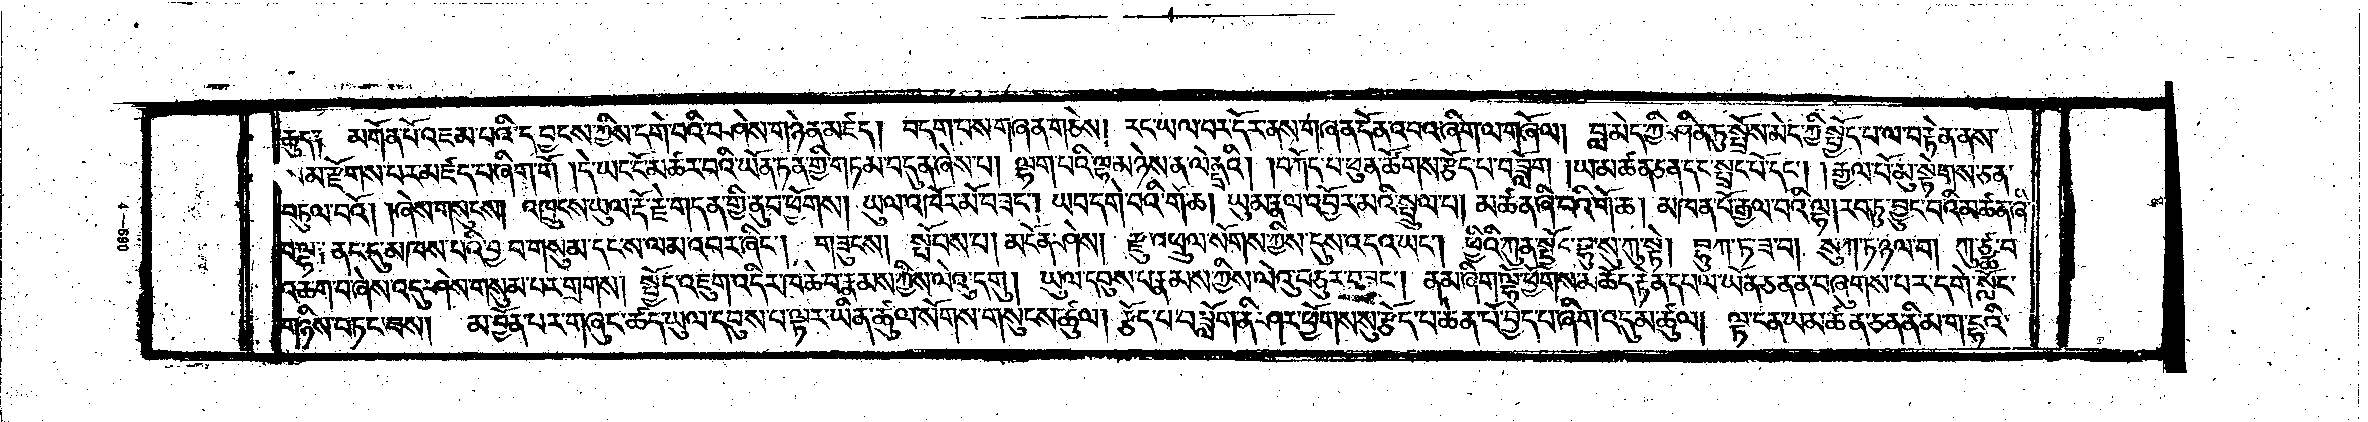ཆུད༑ མགོན་པོ་འཇམ་པའི་དབྱངས་ཀྱིས་དགེ་བའི་བཤེས་གཉེན་མཛད། བདག་པས་གཞན་གཅེས། རང་ཡལ་བར་དོར་ནས་གཞན་དོན་འབའ་ཞིག་ལ་གཞོལ། བླ་མེད་ཀྱི་ཤིན་ཏུ་སྤྲོས་མེད་ཀྱི་སྤྱོད་པ་ལ་བརྟེན་ནས་
སམ་རྫོགས་པར་མཛད་པ་ཞིག་གོ །དེ་ཡང་ངོ་མཚར་བའི་ཡོན་ཏན་གྱི་གཏམ་བདུན་ཞེས་པ། ལྷག་པའི་ལྷ་མཉེས་ན་ལེནྡྲའི། །བཀོད་པ་ཕུན་ཚོགས་རྩོད་པ་བཟློག །ཡ་མཚན་ཅན་དང་སྤྲང་པོ་དང་། །རྒྱལ་པོ་མུ་སྟེགས་ཅན་
བཏུལ་བའོ། །ཞེས་གསུངས། འཁྲུངས་ཡུལ་རྡོ་རྗེ་གདན་གྱི་ནུབ་ཕྱོགས། ཡུལ་འཁོར་མོ་བཟང་། ཡབ་དགེ་བའི་གོ་ཆ། ཡུམ་རྣལ་འབྱོར་མའི་སྤྲུལ་པ། མཚན་ཞི་བའི་གོ་ཆ། མཁན་པོ་རྒྱལ་བའི་ལྷ། རབ་ཏུ་བྱུང་བའི་མཚན་ཞི་
བ་ལྷ༑ ནང་དུ་མཁས་པའི་བྱ་བ་གསུམ་དང་ས་ལམ་འབར་ཞིང་། གཟུངས། སྤོབས་པ། མངོན་ཤེས། རྫུ་འཕྲུལ་སོགས་ཀྱིས་དུས་འདའ་ཡང་། ཕྱིའི་ཀུན་སྡོང་བྷུ་སུ་ཀུ་སྟེ། བྷུ་ཀ་ཏ་ཟ་བ། སུ་ཀ་ཏ་ཉལ་བ། ཀུ་ཙྪ་བ་
འཆག་པ་ཞེས་འདུ་ཤེས་གསུམ་པར་གྲགས། སྤྱོད་འཇུག་འདིར་ཁ་ཆེ་བ་རྣམས་ཀྱིས་ལེའུ་དགུ། ཡུལ་དབུས་པ་རྣམས་ཀྱིས་ལེའུ་བཅུར་བཟང་། ནམ་ཞིག་ལྷོ་ཕྱོགས་མཆོད་རྟེན་དཔལ་ཡོན་ཅན་ན་བཞུགས་པར་དགེ་སློང་
གཉིས་བཏང་ཟས། མ་བྱོན་པར་གཞུང་ཚད་ཡུལ་དབུས་པ་ལྟར་ཡིན་ཚུལ་སོགས་གསུངས་ཚུལ། རྩོད་པ་བཟློག་ནི་ཤར་ཕྱོགས་སུ་རྩོད་པ་ཆེན་པོ་བྱེད་པ་ཞིག་འདུམ་ཚུལ། ལྟ་ངན་ཡ་མཚན་ཅན་ནི་མ་ག་དྷའི་